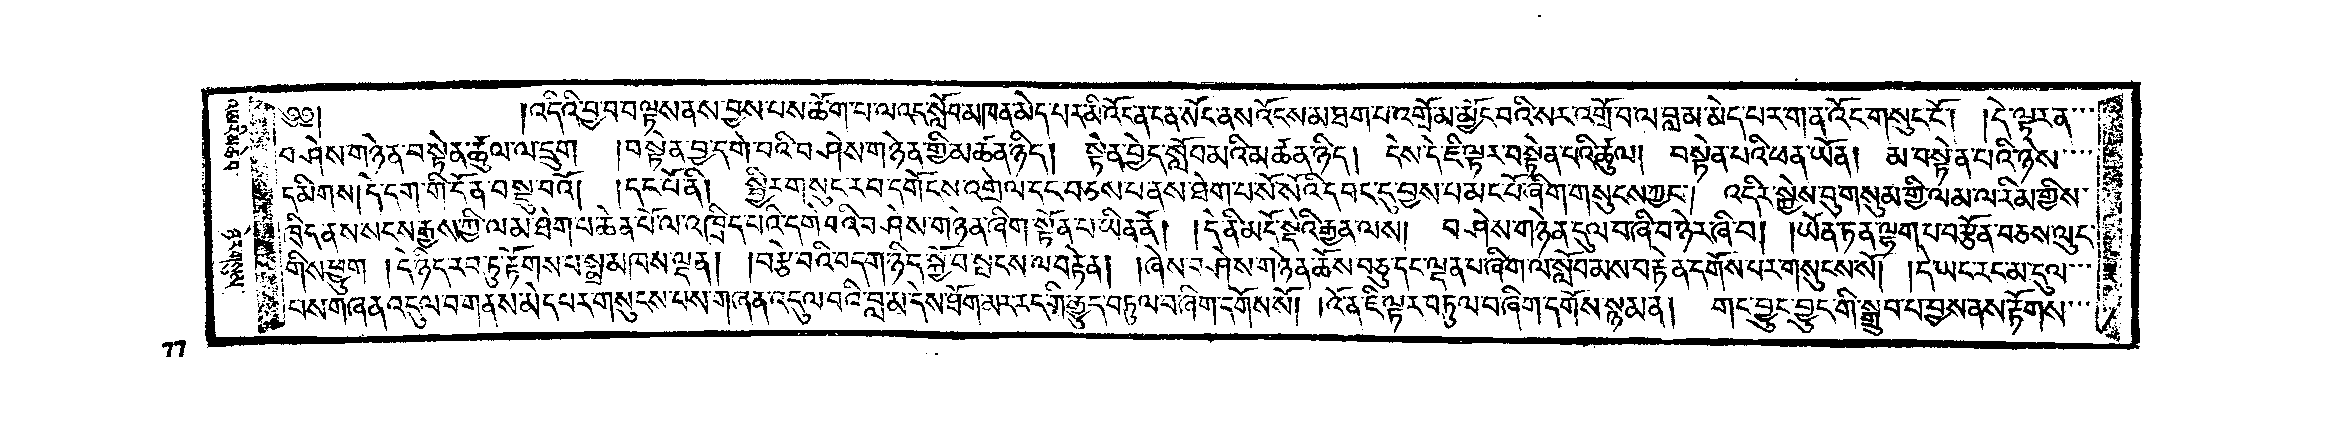༄༅། །འདིའི་བྱ་བ་བལྟས་ནས་བྱས་པས་ཆོག་པ་ལའང་སློབ་མཁན་མེད་པར་མི་འོང་ན་ངན་སོང་ནས་འོངས་མ་ཐག་པ་འགྲོ་མ་མྱོང་བའི་སར་འགྲོ་བ་ལ་བླ་མ་མེད་པར་ག་ན་འོང་གསུང་ངོ། །དེ་ལྟར་ན་
བཤེས་གཉེན་བསྟེན་ཚུལ་ལ་དྲུག །བསྟེན་བྱ་དགེ་བའི་བཤེས་གཉེན་གྱི་མཚན་ཉིད། སྟེན་བྱེད་སློབ་མའི་མཚན་ཉིད། དེས་དེ་ཇི་ལྟར་བསྟེན་པའི་ཚུལ། བསྟེན་པའི་ཕན་ཡོན། མ་བསྟེན་པའི་ཉེས་
དམིགས། དེ་དག་གི་དོན་བསྡུ་བའོ། །དང་པོ་ནི། སྤྱིར་གསུང་རབ་དགོངས་འགྲེལ་དང་བཅས་པ་ནས་ཐེག་པ་སོ་སོའི་དབང་དུ་བྱས་པ་མང་པོ་ཞིག་གསུངས་ཀྱང་། འདིར་སྐྱེས་བུ་གསུམ་གྱི་ལམ་ལ་རིམ་གྱིས་
ཁྲིད་ནས་སངས་རྒྱས་ཀྱི་ལམ་ཐེག་པ་ཆེན་པོ་ལ་འཁྲིད་པའི་དགེ་བའི་བཤེས་གཉེན་ཞིག་སྟོན་པ་ཡིན་ནོ། །དེ་ནི་མདོ་སྡེའི་རྒྱན་ལས། བཤེས་གཉེན་དུལ་བ་ཞི་བ་ཉེར་ཞི་བ། །ཡོན་ཏན་ལྷག་པ་བརྩོན་བཅས་ལུང་
གིས་ཕྱུག །དེ་ཉིད་རབ་ཏུ་རྟོགས་པ་སྨྲ་མཁས་ལྡན། །བརྩེ་བའི་བདག་ཉིད་སྐྱོ་བ་སྤངས་ལ་བརྟེན། །ཞེས་བཤེས་གཉེན་ཆོས་བཅུ་དང་ལྡན་པ་ཞིག་ལ་སློབ་མས་བརྟེན་དགོས་པར་གསུངས་སོ། །དེ་ཡང་རང་མ་དུལ་
བས་གཞན་འདུལ་བ་གནས་མེད་བར་གསུངས་པས་གཞན་འདུལ་བའི་བླ་མ་དེས་ཐོག་མར་རང་གི་རྒྱུད་བཏུལ་བ་ཞིག་དགོས་སོ། །འོ་ན་ཇི་ལྟར་བཏུལ་བ་ཞིག་དགོས་སྙམ་ན། གང་བྱུང་བྱུང་གི་སྒྲུབ་པ་བྱས་ནས་རྟོགས་